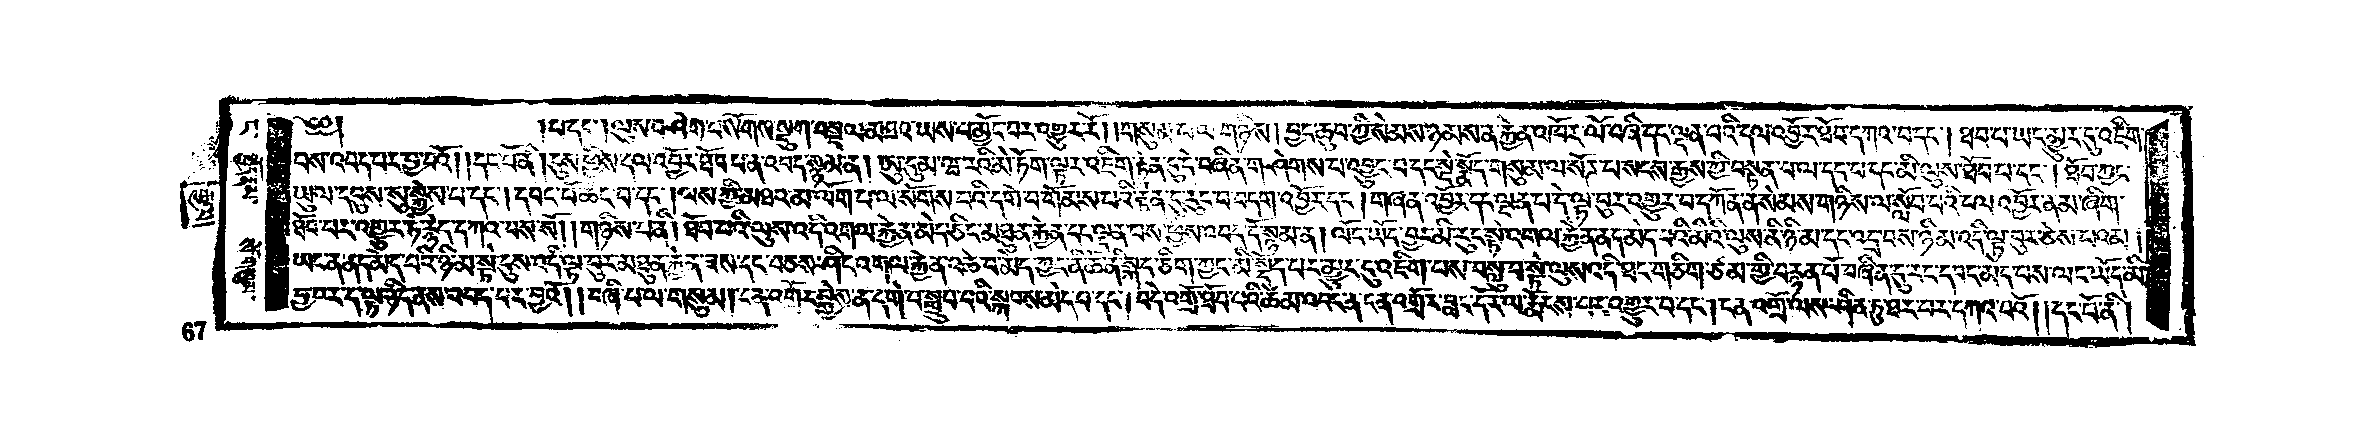༄༅། །པ་དང་། ལུས་བཤེག་པ་སོགས་སྡུག་བསྔལ་མཐའ་ཡས་པ་མྱོང་བར་འགྱུར་རོ། །གསུམ་པ་ལ་གཉིས། བྱང་ཆུབ་ཀྱི་སེམས་ཉམས་ན་རྐྱེན་འཁོར་ལོ་བཞི་དང་ལྡན་པའི་དལ་འབྱོར་ཐོབ་དཀའ་བ་དང་། ཐབ་པ་ཡང་མྱུར་དུ་འཇིག་
པས་འབད་པར་བྱ་བའོ། །དང་པོ་ནི། དུས་ཕྱིས་དལ་འབྱོར་ཐོབ་པ་ན་འབད་སྙམ་ན། ཨུ་དུམ་ཝ་རའི་མེ་ཏོག་ལྟར་འཇིག་རྟེན་དུ་དེ་བཞིན་གཤེགས་པ་འབྱུང་བ་དང་སྡེ་སྣོད་གསུམ་ལ་སོགས་པ་སངས་རྒྱས་ཀྱི་བསྟན་པ་ལ་དང་བ་དང་མི་ལུས་ཐོབ་པ་དང་། ཐོབ་ཀྱང་
ཡུལ་དབུས་སུ་སྐྱེས་པ་དང་། དབང་པོ་ཚང་བ་དང་། ལས་ཀྱི་མཐའ་མ་ལོག་པ་ལ་སོགས་པའི་དགེ་བ་གོམས་པའི་རྟེན་དུ་རུང་བ་བདག་འབྱོར་དང་། གཞན་འབྱོར་དང་ལྡན་པ་དེ་ལྟ་བུར་འགྱུར་བ་དཀོན་ན་སེམས་གཉིས་ལ་སློབ་པའི་དལ་འབྱོར་ནམ་ཞིག་
ཐོབ་པར་འགྱུར་ཏེ་རྙེད་དཀའ་བས་སོ། །གཉིས་པ་ནི། ཐོག་པའི་ལུས་འདི་འགལ་རྐྱེན་མེད་ཅིང་མཐུན་རྐྱེན་དང་ལྡན་པས་ཕྱིས་འབད་དོ་སྙམ་ན། ལོང་ཡོད་བྱར་མི་རུང་སྟེ་འགལ་རྐྱེན་ནད་མེད་པའི་མིའི་ལུས་ནི་ཉི་མ་དང་འདྲ་བས་ཉི་མ་འདི་ལྟ་བུར་ཅེས་པའམ།
ཡང་ན་ནད་མེད་པའི་ཉི་མ་སྟེ་དུས་འདི་ལྟ་བུར་མཐུན་རྐྱེན་ཟས་དང་བཅས་ཤིང་འགལ་རྐྱེན་འཆི་བ་མེད་ཀྱང་ནི་ཚེ་ནི་སྐད་ཅིག་ཀྱང་མི་སྡོད་པར་མྱུར་དུ་འཇིག་པས་བསླུ་བ་སྟེ་ལུས་འདི་ཐང་གཅིག་ཙམ་གྱི་བརྙན་པོ་བཞིན་དུ་རང་དབང་མེད་པས་ལང་ཡོད་མི་
བྱ་བར་ད་ལྟ་ཉིད་ནས་འབད་པར་བྱའོ། །བཞི་པ་ལ་གསུམ། ངན་འགྲོར་སྐྱེས་ན་དགེ་བ་སྒྲུབ་པའི་སྐབས་མེད་པ་དང་། བདེ་འགྲོ་ཐོབ་པའི་ཚེ་མ་འབད་ན་ངན་འགྲོར་བླང་དོར་ལ་རྨོངས་པར་འགྱུར་བ་དང་། ངན་འགྲོ་ལས་ཤིན་ཏུ་ཐར་པར་དཀའ་བའོ། །དང་པོ་ནི།